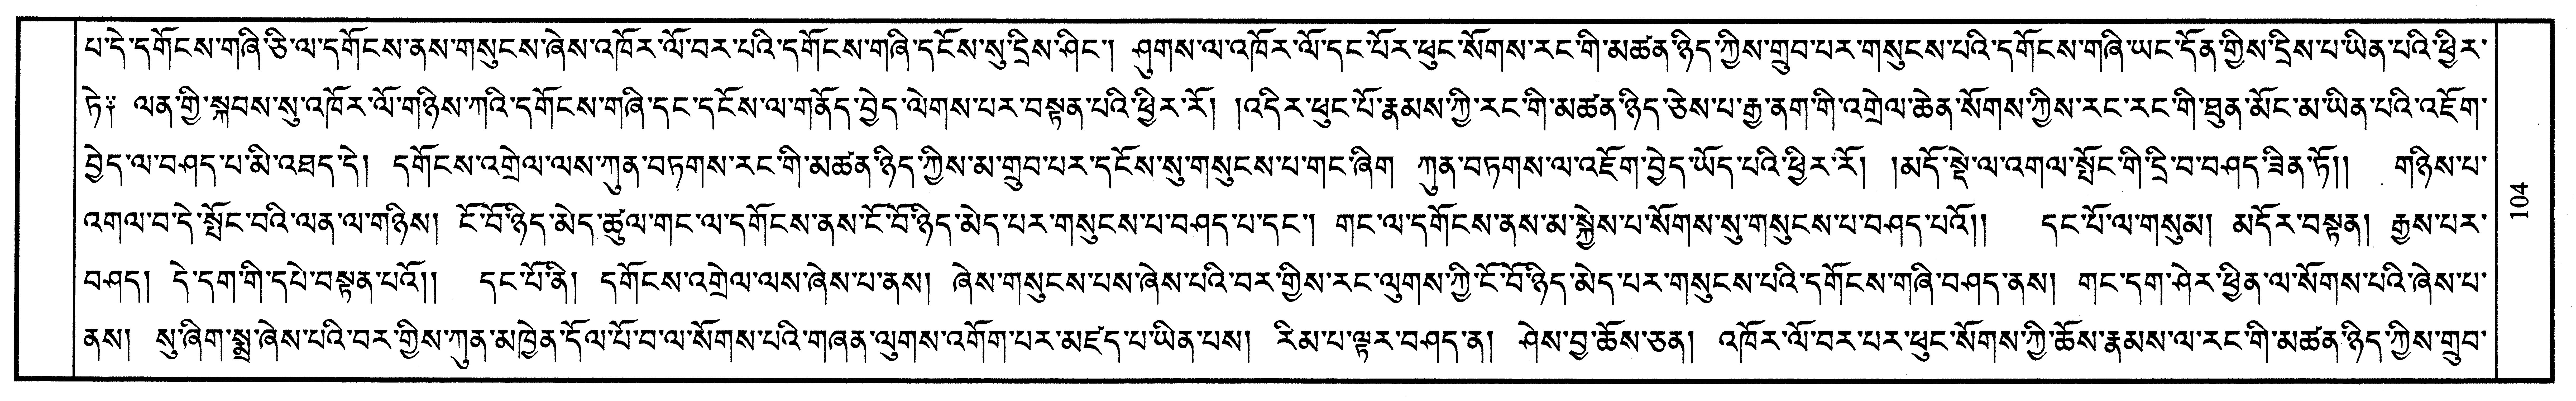པ་དེ་དགོངས་གཞི་ཅི་ལ་དགོངས་ནས་གསུངས་ཞེས་འཁོར་ལོ་བར་པའི་དགོངས་གཞི་དངོས་སུ་དྲིས་ཤིང་། ཤུགས་ལ་འཁོར་ལོ་དང་པོར་ཕུང་སོགས་རང་གི་མཚན་ཉིད་ཀྱིས་གྲུབ་པར་གསུངས་པའི་དགོངས་གཞི་ཡང་དོན་གྱིས་དྲིས་པ་ཡིན་པའི་ཕྱིར་
ཏེ༑ ལན་གྱི་སྐབས་སུ་འཁོར་ལོ་གཉིས་ཀའི་དགོངས་གཞི་དང་དངོས་ལ་གནོད་བྱེད་ལེགས་པར་བསྟན་པའི་ཕྱིར་རོ། །འདིར་ཕུང་པོ་རྣམས་ཀྱི་རང་གི་མཚན་ཉིད་ཅེས་པ་རྒྱ་ནག་གི་འགྲེལ་ཆེན་སོགས་ཀྱིས་རང་རང་གི་ཐུན་མོང་མ་ཡིན་པའི་འཇོག་
བྱེད་ལ་བཤད་པ་མི་འཐད་དེ། དགོངས་འགྲེལ་ལས་ཀུན་བཏགས་རང་གི་མཚན་ཉིད་ཀྱིས་མ་གྲུབ་པར་དངོས་སུ་གསུངས་པ་གང་ཞིག། ཀུན་བཏགས་ལ་འཇོག་བྱེད་ཡོད་པའི་ཕྱིར་རོ། །མདོ་སྡེ་ལ་འགལ་སྤོང་གི་དྲི་བ་བཤད་ཟིན་ཏོ།། གཉིས་པ་
འགལ་བ་དེ་སྤོང་བའི་ལན་ལ་གཉིས། ངོ་བོ་ཉིད་མེད་ཚུལ་གང་ལ་དགོངས་ནས་ངོ་བོ་ཉིད་མེད་པར་གསུངས་པ་བཤད་པ་དང་། གང་ལ་དགོངས་ནས་མ་སྐྱེས་པ་སོགས་སུ་གསུངས་པ་བཤད་པའོ།། དང་པོ་ལ་གསུམ། མདོར་བསྟན། རྒྱས་པར་
བཤད། དེ་དག་གི་དཔེ་བསྟན་པའོ།། དང་པོ་ནི། དགོངས་འགྲེལ་ལས་ཞེས་པ་ནས། ཞེས་གསུངས་པས་ཞེས་པའི་བར་གྱིས་རང་ལུགས་ཀྱི་ངོ་བོ་ཉིད་མེད་པར་གསུངས་པའི་དགོངས་གཞི་བཤད་ནས། གང་དག་ཤེར་ཕྱིན་ལ་སོགས་པའི་ཞེས་པ་
ནས། སུ་ཞིག་སྨྲ་ཞེས་པའི་བར་གྱིས་ཀུན་མཁྱེན་དོལ་པོ་བ་ལ་སོགས་པའི་གཞན་ལུགས་འགོག་པར་མཛད་པ་ཡིན་པས། རིམ་པ་ལྟར་བཤད་ན། ཤེས་བྱ་ཆོས་ཅན། འཁོར་ལོ་བར་པར་ཕུང་སོགས་ཀྱི་ཆོས་རྣམས་ལ་རང་གི་མཚན་ཉིད་ཀྱིས་གྲུབ་